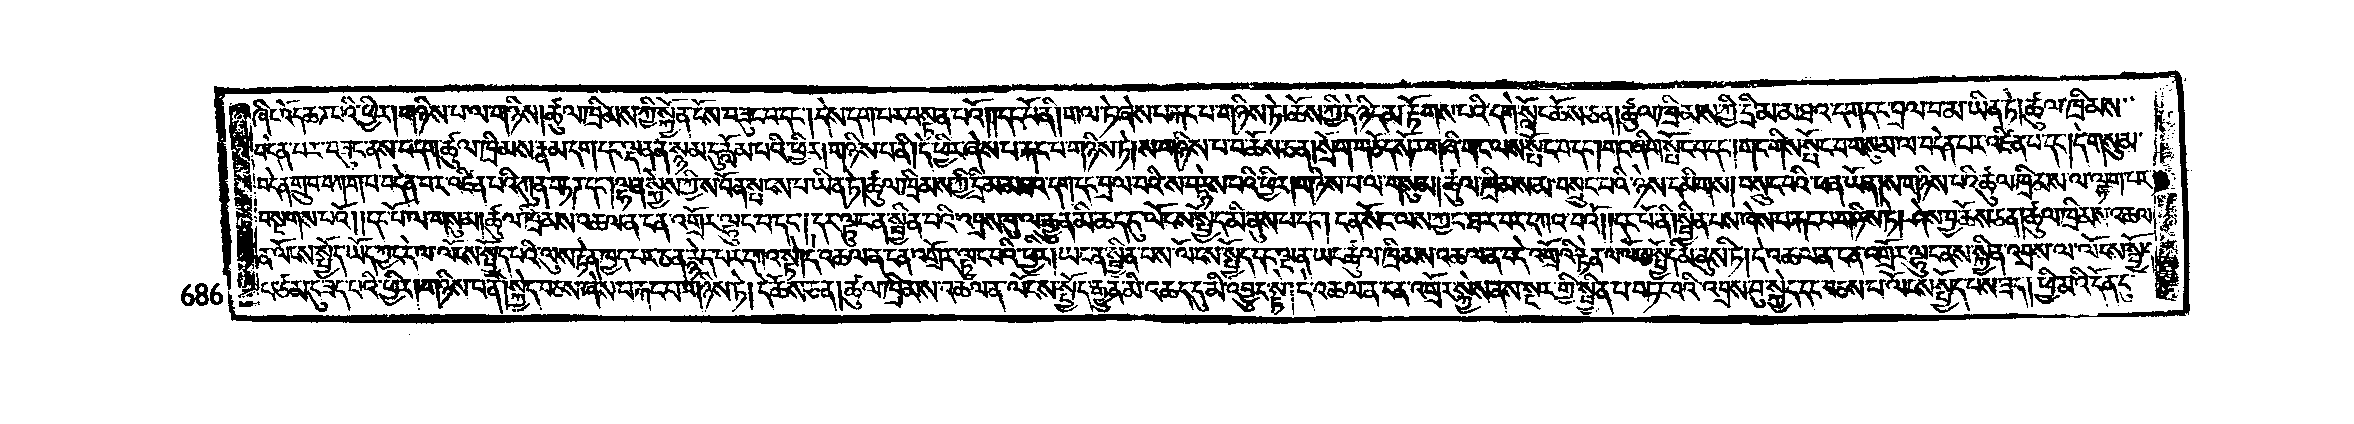ཞིང་འོད་ཆགས་པའི་ཕྱིར། གཉིས་པ་ལ་གཉིས། ཚུལ་ཁྲིམས་ཀྱི་སྐྱོན་ངོས་བཟུང་བ་དང་། དེས་དག་པར་བསྟན་པའོ། །དང་པོ་ནི། གལ་ཏེ་ཞེས་པ་རྐང་པ་གཉིས་ཏེ། ཆོས་ཀྱི་དེ་ཉིད་མ་རྟོགས་པའི་དགེ་སློང་ཆོས་ཅན། ཚུལ་ཁྲིམས་ཀྱི་དྲི་མ་མཐའ་དག་དང་བྲལ་བ་མ་ཡིན་ཏེ། ཚུལ་ཁྲིམས་
བདེན་པར་བཟུང་ནས་བདག་ཚུལ་ཁྲིམས་རྣམ་དག་དང་ལྡན་ན་སྙམ་དུ་རློམ་པའི་ཕྱིར། གཉིས་པ་ནི། དེ་ཕྱིར་ཞེས་པ་རྐང་པ་གཉིས་ཏེ། ས་གཉིས་པ་བ་ཆོས་ཅན། སྲོག་གཅོད་སོགས་གཞི་གང་ལས་སྤོང་བ་དང་། གང་ཞིག་སྤོང་བ་དང་། གང་གིས་སྤོང་བ་གསུམ་ལ་བདེན་པར་འཛིན་པ་དང་། དེ་གསུམ་
བདེན་གྲུབ་བཀག་པ་བདེན་པར་འཛིན་པའི་ཀུན་བཏགས་དང་། ལྷན་སྐྱེས་ཀྱི་ས་བོན་སྤངས་པ་ཡིན་ཏེ། ཚུལ་ཁྲིམས་ཀྱི་དྲི་མ་མཐའ་དག་དང་བྲལ་བའི་ས་བརྙེས་པའི་ཕྱིར། གཉིས་པ་ལ་གསུམ། ཚུལ་ཁྲིམས་མ་བསྲུང་བའི་ཉེས་དམིགས། བསྲུང་བའི་ཕན་ཡོན། ས་གཉིས་པའི་ཚུལ་ཁྲིམས་ལ་ལྷག་པར་
བསྔགས་པའོ། །དང་པོ་ལ་གསུམ། ཚུལ་ཁྲིམས་འཆལ་ན་ངན་འགྲོར་ལྷུང་བ་དང་། དར་ལྟུང་ན་སྦྱིན་པའི་འབྲས་བུ་ལ་རྒྱུན་མི་ཆད་དུ་ལོངས་སྤྱོད་མི་ནུས་པ་དང་། ངན་སོང་ལས་ཀྱང་ཐར་བར་དཀའ་བའོ། །དང་པོ་ནི། སྦྱིན་པས་ཞེས་པ་རྐང་པ་གཉིས་ཏེ། ཤེས་བྱ་ཆོས་ཅན། ཚུལ་ཁྲིམས་འཆལ་
ན་ལོངས་སྤྱོད་ཡོད་ཀྱང་དེ་ལ་ལོངས་སྤྱོད་པའི་ལུས་རྟེན་ཁྱད་པར་ཅན་རྙེད་པར་དཀའ་སྟེ། དེ་འཆལ་ན་ངན་འགྲོར་ལྟུང་བའི་ཕྱིར། ཡང་ན་སྦྱིན་པས་ལོངས་སྤྱོད་དང་ལྡན་ཡང་ཚུལ་ཁྲིམས་འཆལ་ན་བདེ་འགྲོའི་རྟེན་ལ་ལོངས་སྤྱོད་མི་ནུས་ཏེ། དེ་འཆལ་ན་ངན་འགྲོར་ལྷུང་ནས་སྐྱིན་འབྲས་ལ་ལོངས་སྤྱོད་
པ་ཙམ་དུ་ཟད་པའི་ཕྱིར། གཉིས་པ་ནི། སྐྱེད་བཅས་ཞེས་པ་རྐང་བ་གཉིས་ཏེ། དེ་ཆོས་ཅན། ཚུལ་ཁྲིམས་འཆལ་ན་ལོངས་སྤྱོད་རྒྱུན་མི་འཆད་དུ་མི་འབྱུང་སྟེ། དེ་འཆལ་ན་ངན་འགྲོར་སྐྱེས་ནས་སྔར་གྱི་སྦྱིན་པ་བཏང་བའི་འབྲས་བུ་སྐྱེད་དང་བཅས་པ་ལོངས་སྤྱོད་པས་ཟད། ཕྱི་མའི་དོན་དུ་